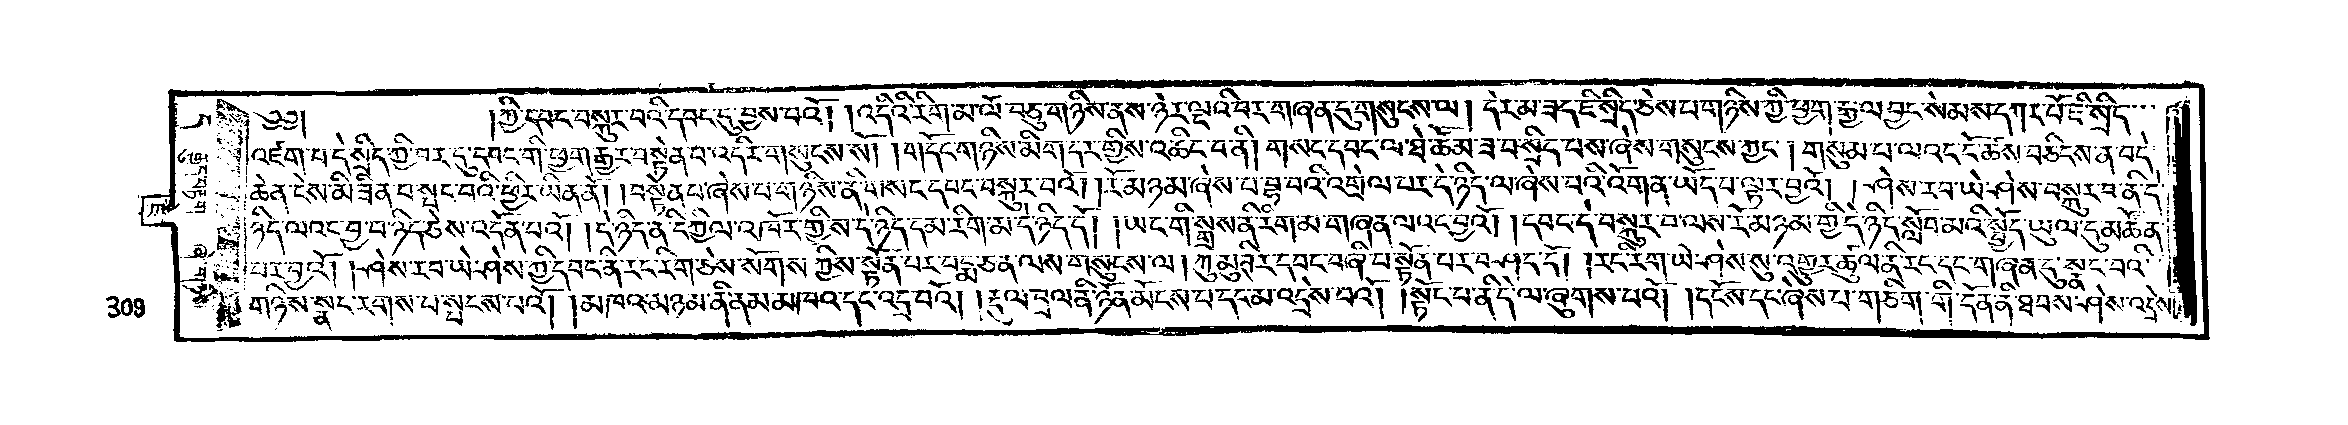༄༅། །ཀྱི་དབང་བསྐུར་བའི་དབང་དུ་བྱས་པའོ། །འདིའི་རིག་མ་ལོ་བཅུ་གཉིས་ནས་ཉེར་ལྔའི་བར་གཞན་དུ་གསུངས་ལ། དེར་མ་ཟད་ཇི་སྲིད་ཅེས་པ་གཉིས་ཀྱི་ཕྱག་རྒྱ་ལ་བྱང་སེམས་དཀར་པོ་ཇི་སྲིད་
འཛག་པ་དེ་སྲིད་ཀྱི་བར་དུ་དབང་གི་ཕྱག་རྒྱར་བསྟེན་པ་འདིར་གསུངས་སོ། །གདོང་གཉིས་མིག་དར་གྱིས་འཆིང་བ་ནི། གསང་དབང་ལ་ཐེ་ཚོམ་ཟ་བ་སྲིད་པས་ཞེས་གསུངས་ཀྱང་། གསུམ་པ་ལའང་ངོ་ཚས་བཅིངས་ན་བདེ་
ཆེན་ངེས་མི་ཟིན་པ་སྤང་བའི་ཕྱིར་ཡིན་ནོ། །བསྟེན་པ་ཞེས་པ་གཉིས་ནི་གསང་དབང་བསྐུར་བའོ། །རོ་མཉམ་ཞེས་པ་བྷ་བའི་འགྲེལ་བར་དེ་ཉིད་ལ་ཞེས་པའི་འོག་ན་ཡོད་པ་ལྟར་བྱའོ། །ཤེས་རབ་ཡེ་ཤེས་བསྐུར་བ་ནི་དེ་
ཉིད་ལའང་བྱ་བ་ཉིད་ཅེས་འདོན་པའོ། །དེ་ཉིད་ནི་དཀྱིལ་འཁོར་གྱི་ས་དེ་ཉིད་དམ་རིག་མ་དེ་ཉིད་དོ། །ཡང་གི་སྒྲས་ནི་རིག་མ་གཞན་ལའང་བྱའོ། །དབང་དེ་བསྐུར་བ་ལས་རོ་མཉམ་གྱི་དེ་ཉིད་སློབ་མའི་སྤྱོད་ཡུལ་དུ་མཚོན་
པར་བྱའོ། །ཤེས་རབ་ཡེ་ཤེས་ཀྱི་དབང་ནི་རང་རིག་ཅེས་སོགས་ཀྱིས་སྟོན་པར་པདམ་ཅན་ལས་གསུངས་ལ། ཀུ་མུ་ཊིར་དབང་བཞི་པ་སྟོན་པར་བཤད་དོ། །རང་རིག་ཡེ་ཤེས་སུ་འགྱུར་ཚུལ་ནི་རང་དང་གཞན་དུ་སྣང་བའི་
གཉིས་སྣང་རགས་པ་སྤངས་པའོ། །མཁའ་མཉམ་ནི་ནམ་མཁའ་དང་འདྲ་བའོ། །རྡུལ་བྲལ་ནི་ཉོན་མོངས་པ་དང་མ་འདྲེས་པའོ། །སྟོང་པ་ནི་དེ་ལ་ཞུགས་པའོ། །དངོས་དང་ཞེས་པ་གཅིག་གི་དོན་ནི་ཐབས་ཤེས་འདྲེས་